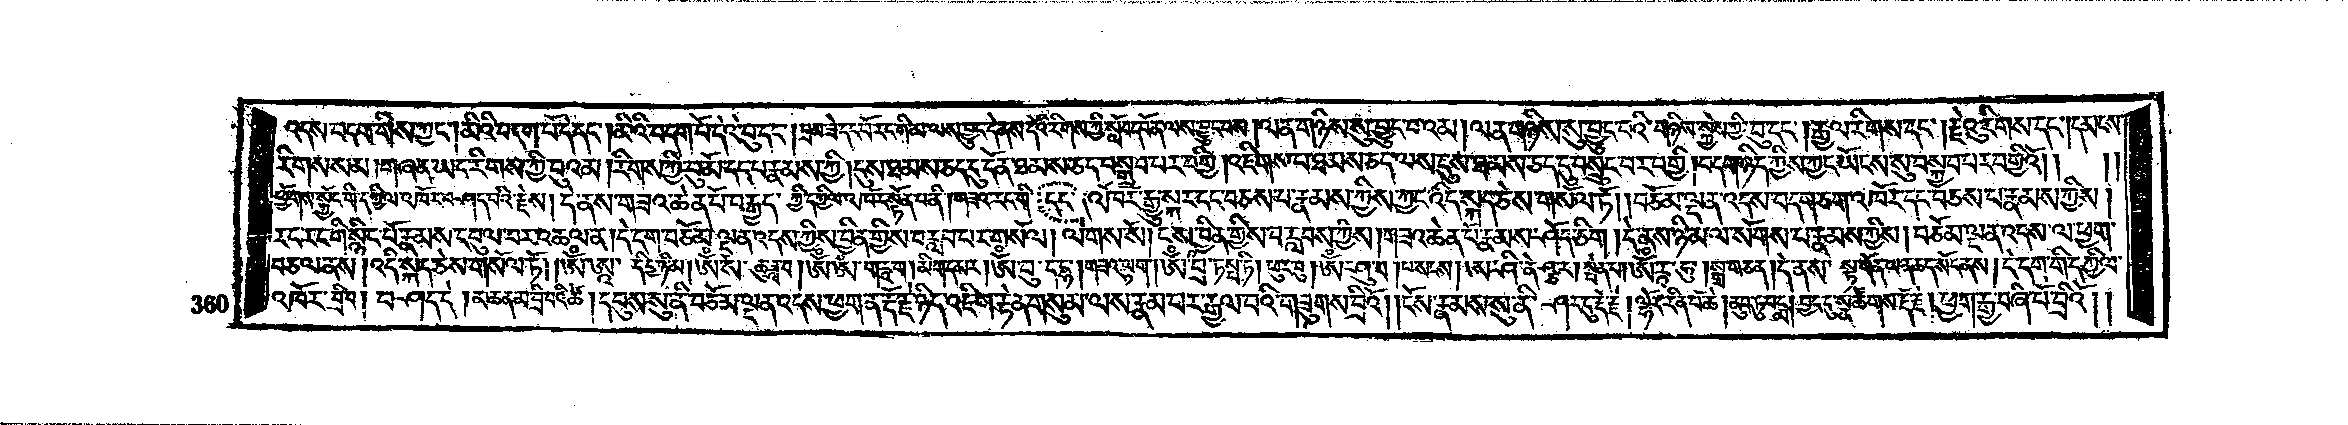འདས་བདག་གིས་ཀྱང་། མིའི་བདག་པོ་དེ་དང་། མིའི་བདག་པོ་དེའི་བུ་དང་། བྲམ་ཟེ་དང་པོ་རང་གི་མ་ལས་བྱུང་དེ་ནས་དེའི་རིགས་ཀྱི་སློབ་དཔོན་ལས་བྱུང་བས།  ལན་གཉིས་སུ་བྱུང་བའམ། ལན་གཉིས་སུ་བྱུང་བའི་གཉིས་སྐྱེས་ཀྱི་བུ་དང་། རྒྱལ་རིགས་དང་། རྗེའི་རིགས་དང་། དམངས་
རིགས་སམ། གཞན་ཡང་རིགས་ཀྱི་བུའམ། རིགས་ཀྱི་བུ་མོ་དད་པ་རྣམས་ཀྱི། དུས་ཐམས་ཅད་དུ་དོན་ཐམས་ཅད་བསྒྲུབ་པར་བགྱི། འཇིགས་པ་ཐམས་ཅད་ལས་དུས་ཐམས་ཅད་དུ་བསྲུང་བར་བགྱི། བདག་ཉིད་ཀྱིས་ཀྱང་ཡོངས་སུ་བསྐྱབ་པར་བགྱིའོ།། །།
ཕྱོགས་སྐྱོང་གི་དཀྱིལ་འཁོར་བཤད་པའི་རྗེས།  དེ་ནས་གཟའ་ཆེན་པོ་བརྒྱད་ཀྱི་དཀྱིལ་འཁོར་སྟོན་པ་ནི། གཟའ་རང་གི་དང་། འཁོར་རྒྱུ་སྐར་དང་བཅས་པ་རྣམས་ཀྱིས་ཀྱང་འདི་སྐད་ཅེས་གསོལ་ཏོ། །བཅོམ་ལྡན་འདས་བདག་ཅག་འཁོར་དང་བཅས་པ་རྣམས་ཀྱིས།
རང་རང་གི་སྙིང་པོ་རྣམས་དབུལ་བར་འཚལ་ན། དེ་དག་བཅོམ་ལྡན་འདས་ཀྱིས་བྱིན་གྱིས་བརླབ་པར་གསོལ། ལེགས་སོ། ངས་བྱིན་གྱིས་བརླབས་ཀྱིས། གཟའ་ཆེན་པོ་རྣམས་ཤོད་ཅིག །དེ་ནས་ཉི་མ་ལ་སོགས་པ་རྣམས་ཀྱིས། བཅོམ་ལྡན་འདས་ལ་ཕྱག་
བཅལ་ནས། འདི་སྐད་ཅེས་གསོལ་ཏོ། །ཨོཾ་ཨཱ་དིདྱ་ཉི་མ། ཨོཾ་སོ་ཆུ་ཟླ་བ། ཨོཾ་ཨཾ་ག་རཱ་ག། མིག་དམར། ཨོཾ་བུ་ད་དྷ། གཟའ་ལྷག། ཨོཾ་བྲཾ་ཏ་སྤ་ཏི། ཕུར་བུ། ཨོཾ་ཤུ་བ། པ་སངས། ཨ་ཤི་ནི་ཤྩ་ར། སྤེན་པ། ཨོཾ་རཱ་ཧུ། སྒྲ་གཅན།  དེ་ནས་སྟ་གོན་ཡི་ཆད་སོང་ནས།  དེ་དག་གི་དཀྱིལ་
འཁོར་བྲི་བ། བཤད་དེ། མཚན་མ་བྲི་བའི་ཚེ།  དབུས་སུ་ནི་བཅོམ་ལྡན་འདས་ཕྱག་ན་རྡོ་རྗེ་ཉིད་འཇིག་རྟེན་གསུམ་ལས་རྣམ་པར་རྒྱལ་བའི་གཟུགས་བྲིའོ། །ངོས་རྣམས་སུ་ནི་ཤར་དུ་རྡོ་རྗེ། ལྷོར་རིན་པོ་ཆེ། ནུབ་ཏུ་པདམ། བྱང་དུ་སྣ་ཚོགས་རྡོ་རྗེ།  ཕྱག་རྒྱ་བཞི་པོ་བྲིའོ། །